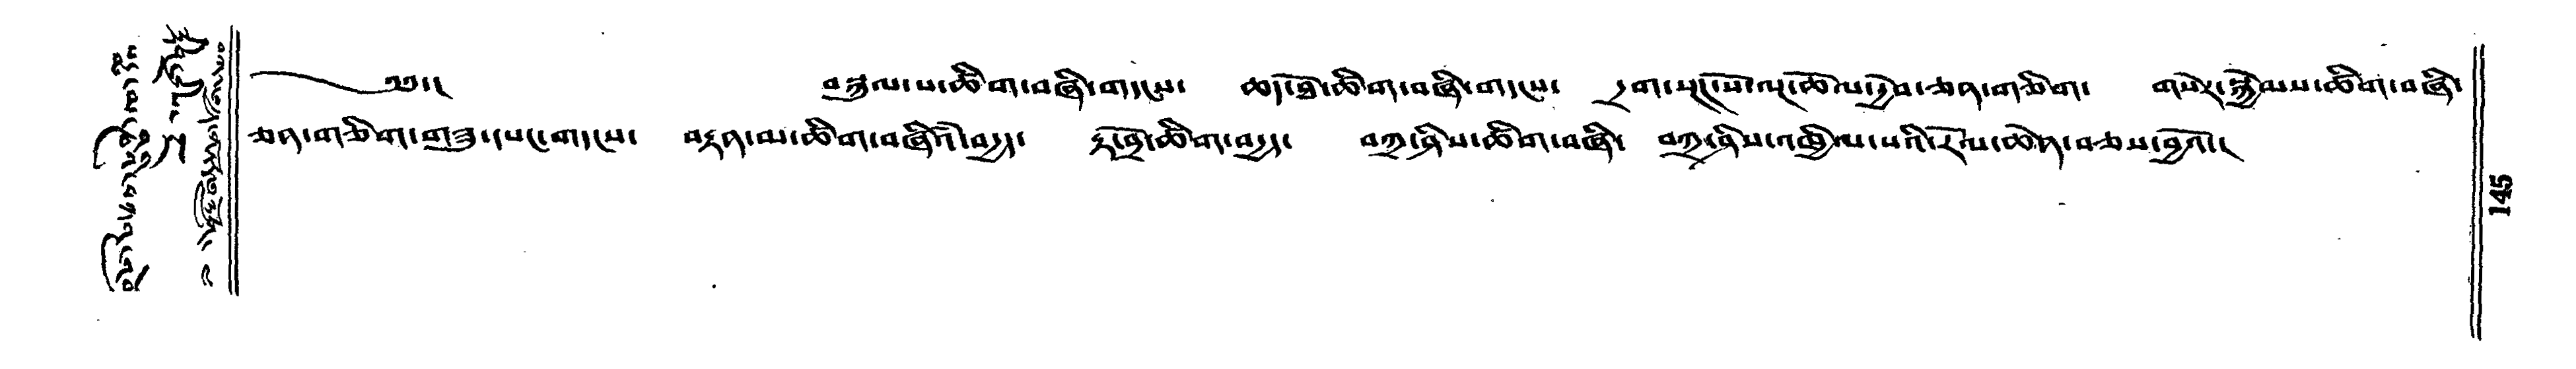སྐུལ་པ་ཚིག་བཞི་གདངས། ཆད་ཐོ་ཚིག་བཞི་གདངས། དྲག་སྔགས་སོ་ལྔ་ཆོལ་རྒྱབ་ཅན་གཅིག གསེར་སྐྱེམས་ཚིག་བཞི་
ཅན་གཅིག གཟུ་དཔང་གདངས། བརྟན་མ་ཚིག་བཞིའམ་བརྒྱད། རྟ་བྲོ་ཚིག་བརྒྱད། བཀྲ་ཤིས་ཚིག་བཞི། བཀྲ་ཤིས་འཁྱིལ་པའི་རོལ་ཆེན་བཅས་བྱའོ། དགེའོ།།